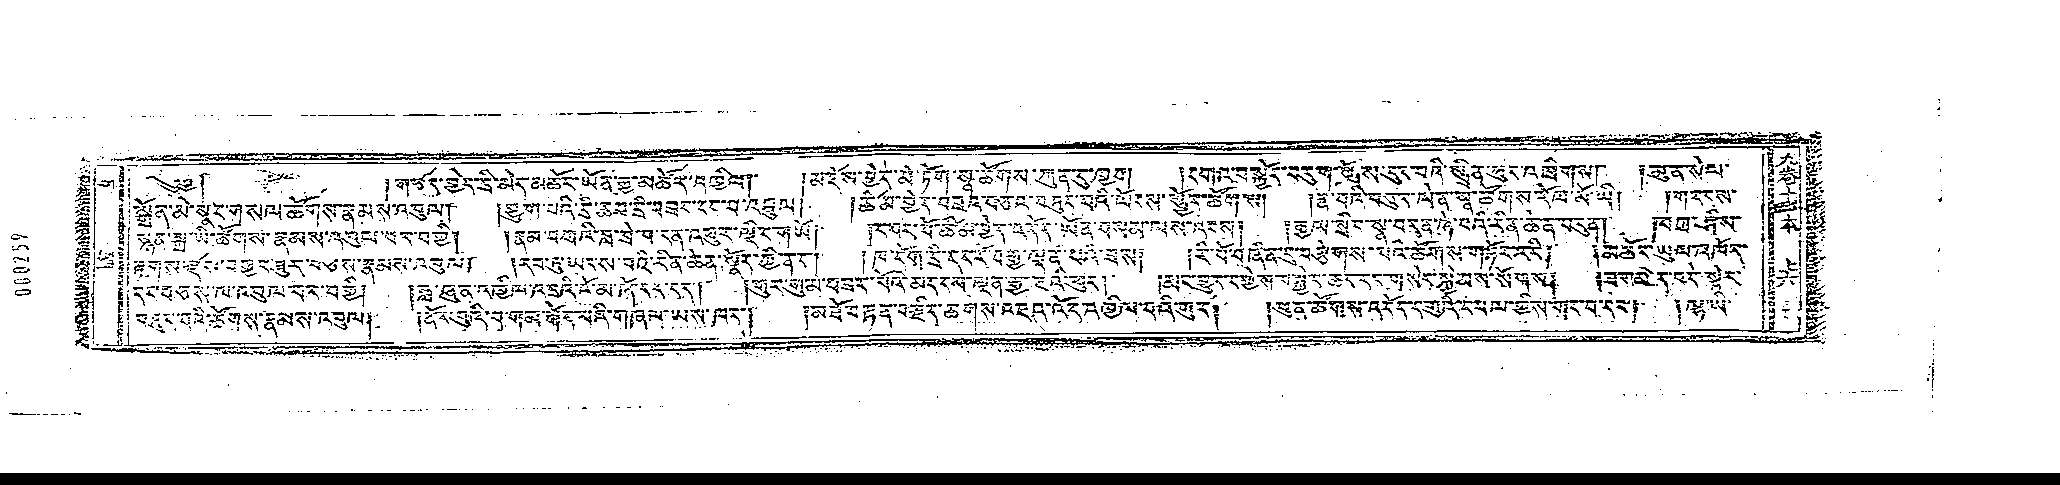༄༅། །གཙང་བྱེད་དྲི་མེད་མཆོད་ཡོན་རྒྱ་མཚོར་འཁྱིལ། །མཛེས་བྱེད་མེ་ཏོག་སྣ་ཚོགས་ཀུན་དུ་ཁྱབ། །དགའ་བ་སྐྱེད་བདུག་སྤོས་དུད་པའི་སྤྲིན་ཕུད་འཁྲིགས། །མུན་སེལ་
སྒྲོན་མེ་སྣང་གསལ་ཚོགས་རྣམས་འབུལ། །བྱུག་པའི་དྲི་ཆབ་དྲི་བཟང་ངད་པ་འཐུལ། །ཚིམ་བྱེད་བཟའ་བཅའ་བཏུད་བའི་ལོངས་སྤྱོད་ཚོགས། །རྣ་བའི་བཅུད་ལེན་སྣ་ཚོགས་རོལ་མོ་ཡི། །གདངས་
སྙན་སྒྲ་ཡི་ཚོགས་རྣམས་འབུལ་བར་བགྱི། །རྣམ་བཀྲའི་བླ་བྲེ་བ་དན་འཕུར་ལྡིང་གཡོ། །དབང་བོ་ཚིམ་བྱེད་འདོད་ཡོན་བསམ་ཡས་འདས། །རྒྱལ་སྲིད་སྣ་བདུན་ཉེ་བའི་རིན་ཆེན་བདུན། །བཀྲ་ཤིས་
རྟགས་རྫས་བརྒྱད་ཟུང་བཅས་རྣམས་འབུལ། །རབ་ཏུ་ཡངས་བའི་རིན་ཆེན་སྣོད་ཀྱི་ནང་། །ཁ་དོག་དྲི་དང་རོ་བརྒྱ་ལྡན་པའི་ཟས། །རི་བོ་བཞིན་དུ་བརྩེགས་པའི་ཚོགས་གཏོར་འདི། །མཆོད་ཡུལ་འཁོར་
དང་བཅས་ལ་འབུལ་བར་བགྱི། །ཟླ་ཞུན་འཁྱིལ་འདྲའི་འོ་མ་ཞོ་དར་དང་། །གུར་གུམ་བཟད་པོའི་མདངས་ལྡན་རྒྱ་ཇའི་ཕུད། །རྨད་བྱུང་དགྱེས་བསྐྱེད་ཆང་དང་གསེར་སྐྱེམས་སོགས། །ཟག་མེད་བདེ་སྟོང་
བཏུད་བའི་ཚོགས་རྣམས་འབུལ། །ནོར་བུའི་བག་མ་རྒོད་པའི་གཞལ་ཡས་ཁང་། །མཐོ་བརྟན་བརྗིད་ཆགས་འཇའ་འོད་འཁྱིལ་བའི་གུར། །ཕུན་ཚོགས་འདོད་དགུའི་དཔལ་ཀྱིས་གང་བ་དང་། །ལྷ་ཡི་